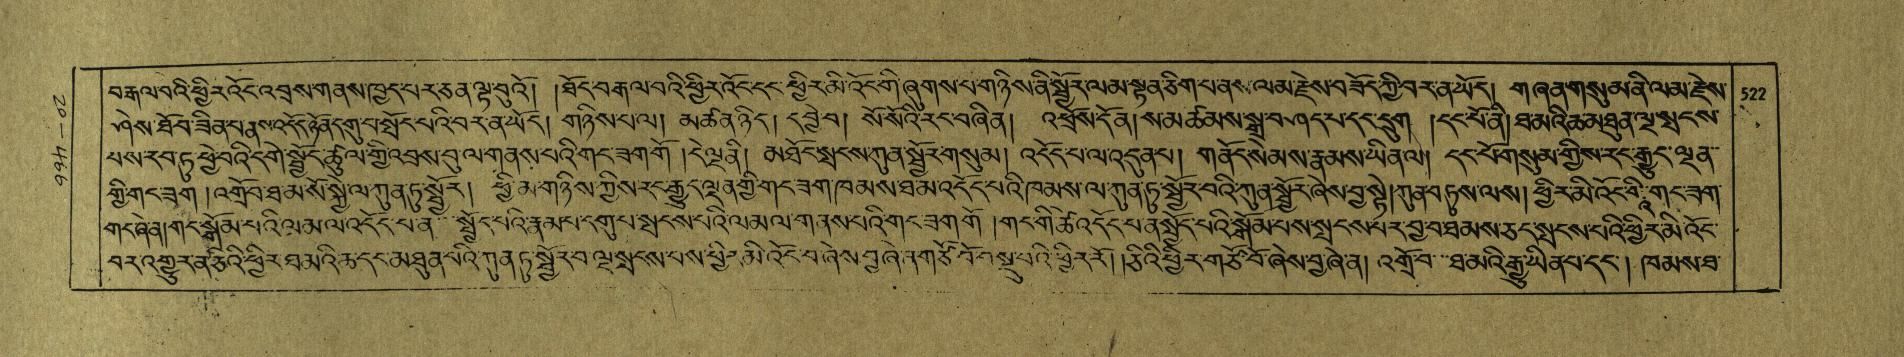བརྒལ་བའི་ཕྱིར་འོང་འབྲས་གནས་ཁྱད་པར་ཅན་ལྟ་བུའོ། །ཐོད་བརྒལ་བའི་ཕྱིར་འོང་དང་ཕྱིར་མི་འོང་གི་ཞུགས་པ་གཉིས་ནི་སྦྱོར་ལམ་སྟན་ཅིག་པ་ནས་ལམ་རྗེས་བཟོད་ཀྱི་བར་ན་ཡོད། གཞན་གསུམ་ནི་ལམ་རྗེས་
ཤེས་ཐོབ་ཟིན་པ་ནས་འདོད་ཉོན་དགུ་པ་སྤོང་བའི་བར་ན་ཡོད། གཉིས་པ་ལ། མཚན་ཉིད། དབྱེ་བ། སོ་སོའི་རང་བཞིན། འཕྲོས་དོན། ས་མཚམས་སྒྲ་བཤད་པ་དང་དྲུག །དང་པོ་ནི། ཐ་མའི་ཆ་མཐུན་ལྔ་སྤངས་
པས་རབ་ཏུ་ཕྱེ་བའི་དགེ་སྤྱོད་ཚུལ་གྱི་འབྲས་བུ་ལ་གནས་པའི་གང་ཟག་གོ །དེ་ལྔ་ནི། མཐོང་སྤངས་ཀུན་སྦྱོར་གསུམ། འདོད་པ་ལ་འདུན་པ། གནོད་སེམས་རྣམས་ཡིན་ལ། དང་པོ་གསུམ་གྱིས་རང་རྒྱུད་ལྡན་
གྱི་གང་ཟག །འགྲོ་བ་ཐ་མ་སོ་སྐྱེ་ལ་ཀུན་ཏུ་སྦྱོར། ཕྱི་མ་གཉིས་ཀྱིས་རང་རྒྱུད་ལྡན་གྱི་གང་ཟག་ཁམས་ཐ་མ་འདོད་པའི་ཁམས་ལ་ཀུན་ཏུ་སྦྱོར་བའི་ཀུན་སྦྱོར་ཞེས་བྱ་སྟེ། ཀུན་བཏུས་ལས། ཕྱིར་མི་འོང་བའི་གང་ཟག་
གང་ཞེ་ན། གང་སྒོམ་པའི་ལམ་ལ་འདོད་པ་ན་སྤྱོད་པའི་རྣམ་པ་དགུ་པ་སྤངས་པའི་ལམ་ལ་གནས་པའི་གང་ཟག་གོ། གང་གི་ཚེ་འདོད་པ་ན་སྤྱོད་པའི་སྒོམ་པས་སྤངས་པར་བྱ་བ་ཐམས་ཅད་སྤངས་པའི་ཕྱིར་མི་འོང་
བར་འགྱུར་ན་ཅིའི་ཕྱིར་ཐ་མའི་ཆ་དང་མཐུན་པའི་ཀུན་ཏུ་སྦྱོར་བ་ལྔ་སྤངས་པས་ཕྱིར་ཨི་འོང་བ་ཞེས་བྱ་ཞེ་ན་གཙོ་བོ་བསྡུ་བའི་ཕྱིར་རོ། །ཅིའི་ཕྱིར་གཙོ་བོ་ཞེས་བྱ་ཞེ་ན། འགྲོ་བ་ཐ་མའི་རྒྱུ་ཡིན་པ་དང་། ཁམས་ཐ་